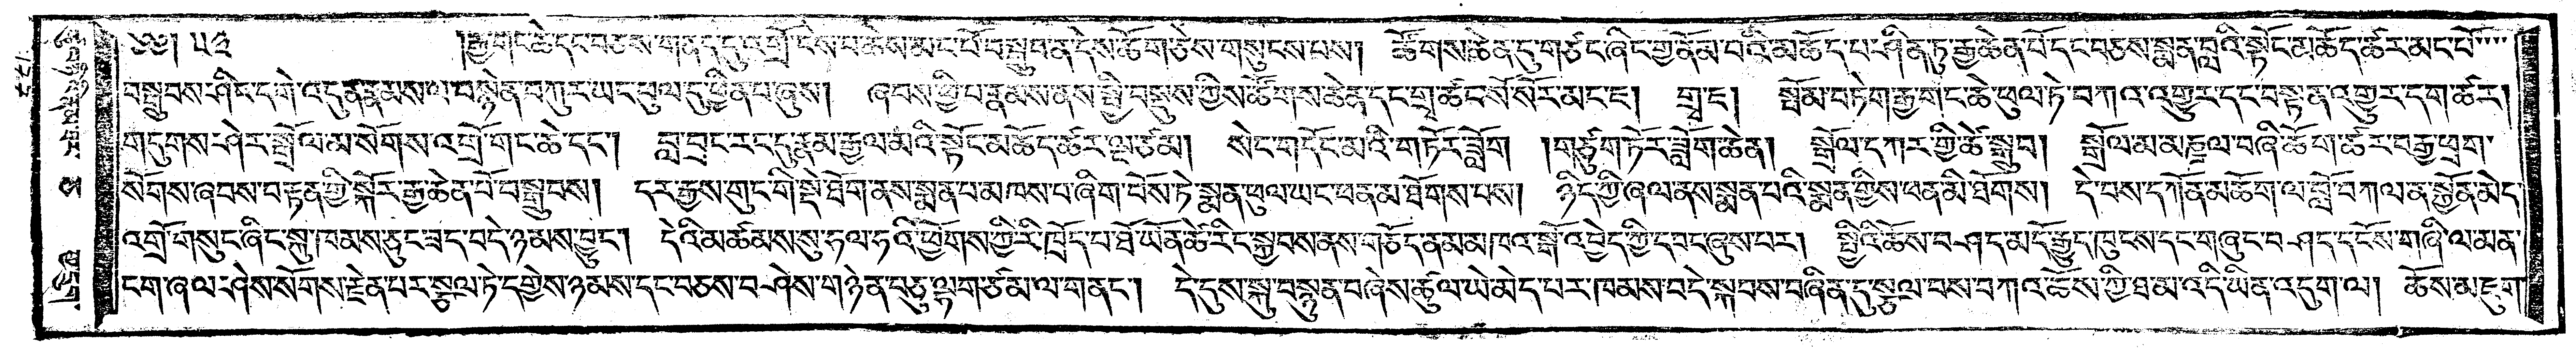༄༅། །རྒྱ་གང་ཆེ་དང་བཅས་གནད་དུ་འགྲོ་ངེས་པ་ཆེས་མང་པོ་བསྒྲུབ་ན་དེས་ཆོག་ཅེས་གསུངས་པས། ཚོགས་ཆེན་དུ་གཙང་ཞིང་གྱ་ནོམ་པའི་མཆོད་པ་ཤིན་ཏུ་རྒྱ་ཆེན་པོ་དང་བཅས་སྨན་བླའི་སྟོང་མཆོད་ཚར་མང་པོ་
བསྒྲུབས་ཤིང་དགེ་འདུན་རྣམས་ལ་བསྙེན་བཀུར་ཡང་ཕུལ་དུ་ཕྱིན་པ་ཞུས། ཞབས་ཕྱི་བ་རྣམས་ནས་སྤྱི་བསྡུས་ཀྱིས་ཚོགས་ཆེན་དང་གྲྭ་ཚང་སོ་སོར་མང་ཇ། གྲྭ་ཇ། སྤོམ་བཏེག་རྒྱ་གང་ཆེ་ཕུལ་ཏེ་བཀའ་འགྱུར་དང་བསྟན་འགྱུར་དག་ཚར།
གདུགས་ཤེར་སྒྲོལ་མ་སོགས་འགྲོ་གང་ཆེ་དང་། བླ་བྲང་རང་དུ་རྣམ་རྒྱལ་མའི་སྟོང་མཆོད་ཚར་ལྔ་ཙམ། སེང་གདོང་མའི་གཏོར་ཟློག །གཙུག་ཏོར་ཟློག་ཆེན། སྒྲོལ་དཀར་གྱི་ཚེ་སྒྲུབ། སྒྲོལ་མ་མཎྜལ་བཞི་ཆོག་ཚར་བརྒྱ་ཕྲག་
སོགས་ཞབས་བརྟེན་གྱི་སྐོར་རྒྱ་ཆེན་པོ་བསྒྲུབས། དར་རྒྱས་གུང་གི་སྡེ་ཐོག་ནས་སྨན་པ་མཁས་པ་ཞིག་བོས་ཏེ་སྨན་ཕུལ་ཡང་ཕན་མ་ཐོགས་པས། ཉིད་ཀྱི་ཞལ་ནས་སྨན་པའི་སྨན་གྱིས་ཕན་མི་ཐོགས། དེ་བས་དཀོན་མཆོག་ལ་བློ་བཀལ་ན་སྐྱོན་མེད་
འགྲོ་གསུང་ཞིང་སྐུ་ཁམས་ཅུང་ཟད་བདེ་ཉམས་བྱུང་། དེའི་མཚམས་སུ་ཧལ་ཧའི་ཕྱོགས་ཀྱི་རི་ཁྲོད་པ་ཐོ་ཡོན་ཚེ་རིང་སྐྱབས་ནས་གཅོད་ནམ་མཁའ་སྒོ་འབྱེད་ཀྱི་དབང་ཞུས་བར། སྤྱིའི་ཆོས་བཤད་མདོ་རྒྱུད་ཁུང་དང་གཞུང་བཤད་དངོས་གཞི་ལམ་ན་
ངག་ཞལ་ཤེས་སོགས་རྗེན་པར་སྩལ་ཏེ་དགྱེས་ཉམས་དང་བཅས་བཤེས་གཉེན་བཅུ་ལྷག་ཙམ་ལ་གནང་། དེ་དུས་སྐུ་བསྙུན་བཞེས་ཚུལ་ཡེ་མེད་པར་ཁམས་བདེ་སྐབས་བཞིན་དུ་སྩལ་བས་བཀའ་ཆོས་ཀྱི་ཐ་མ་འདི་ཡིན་འདུག་ལ། ཆོས་མཇུག་